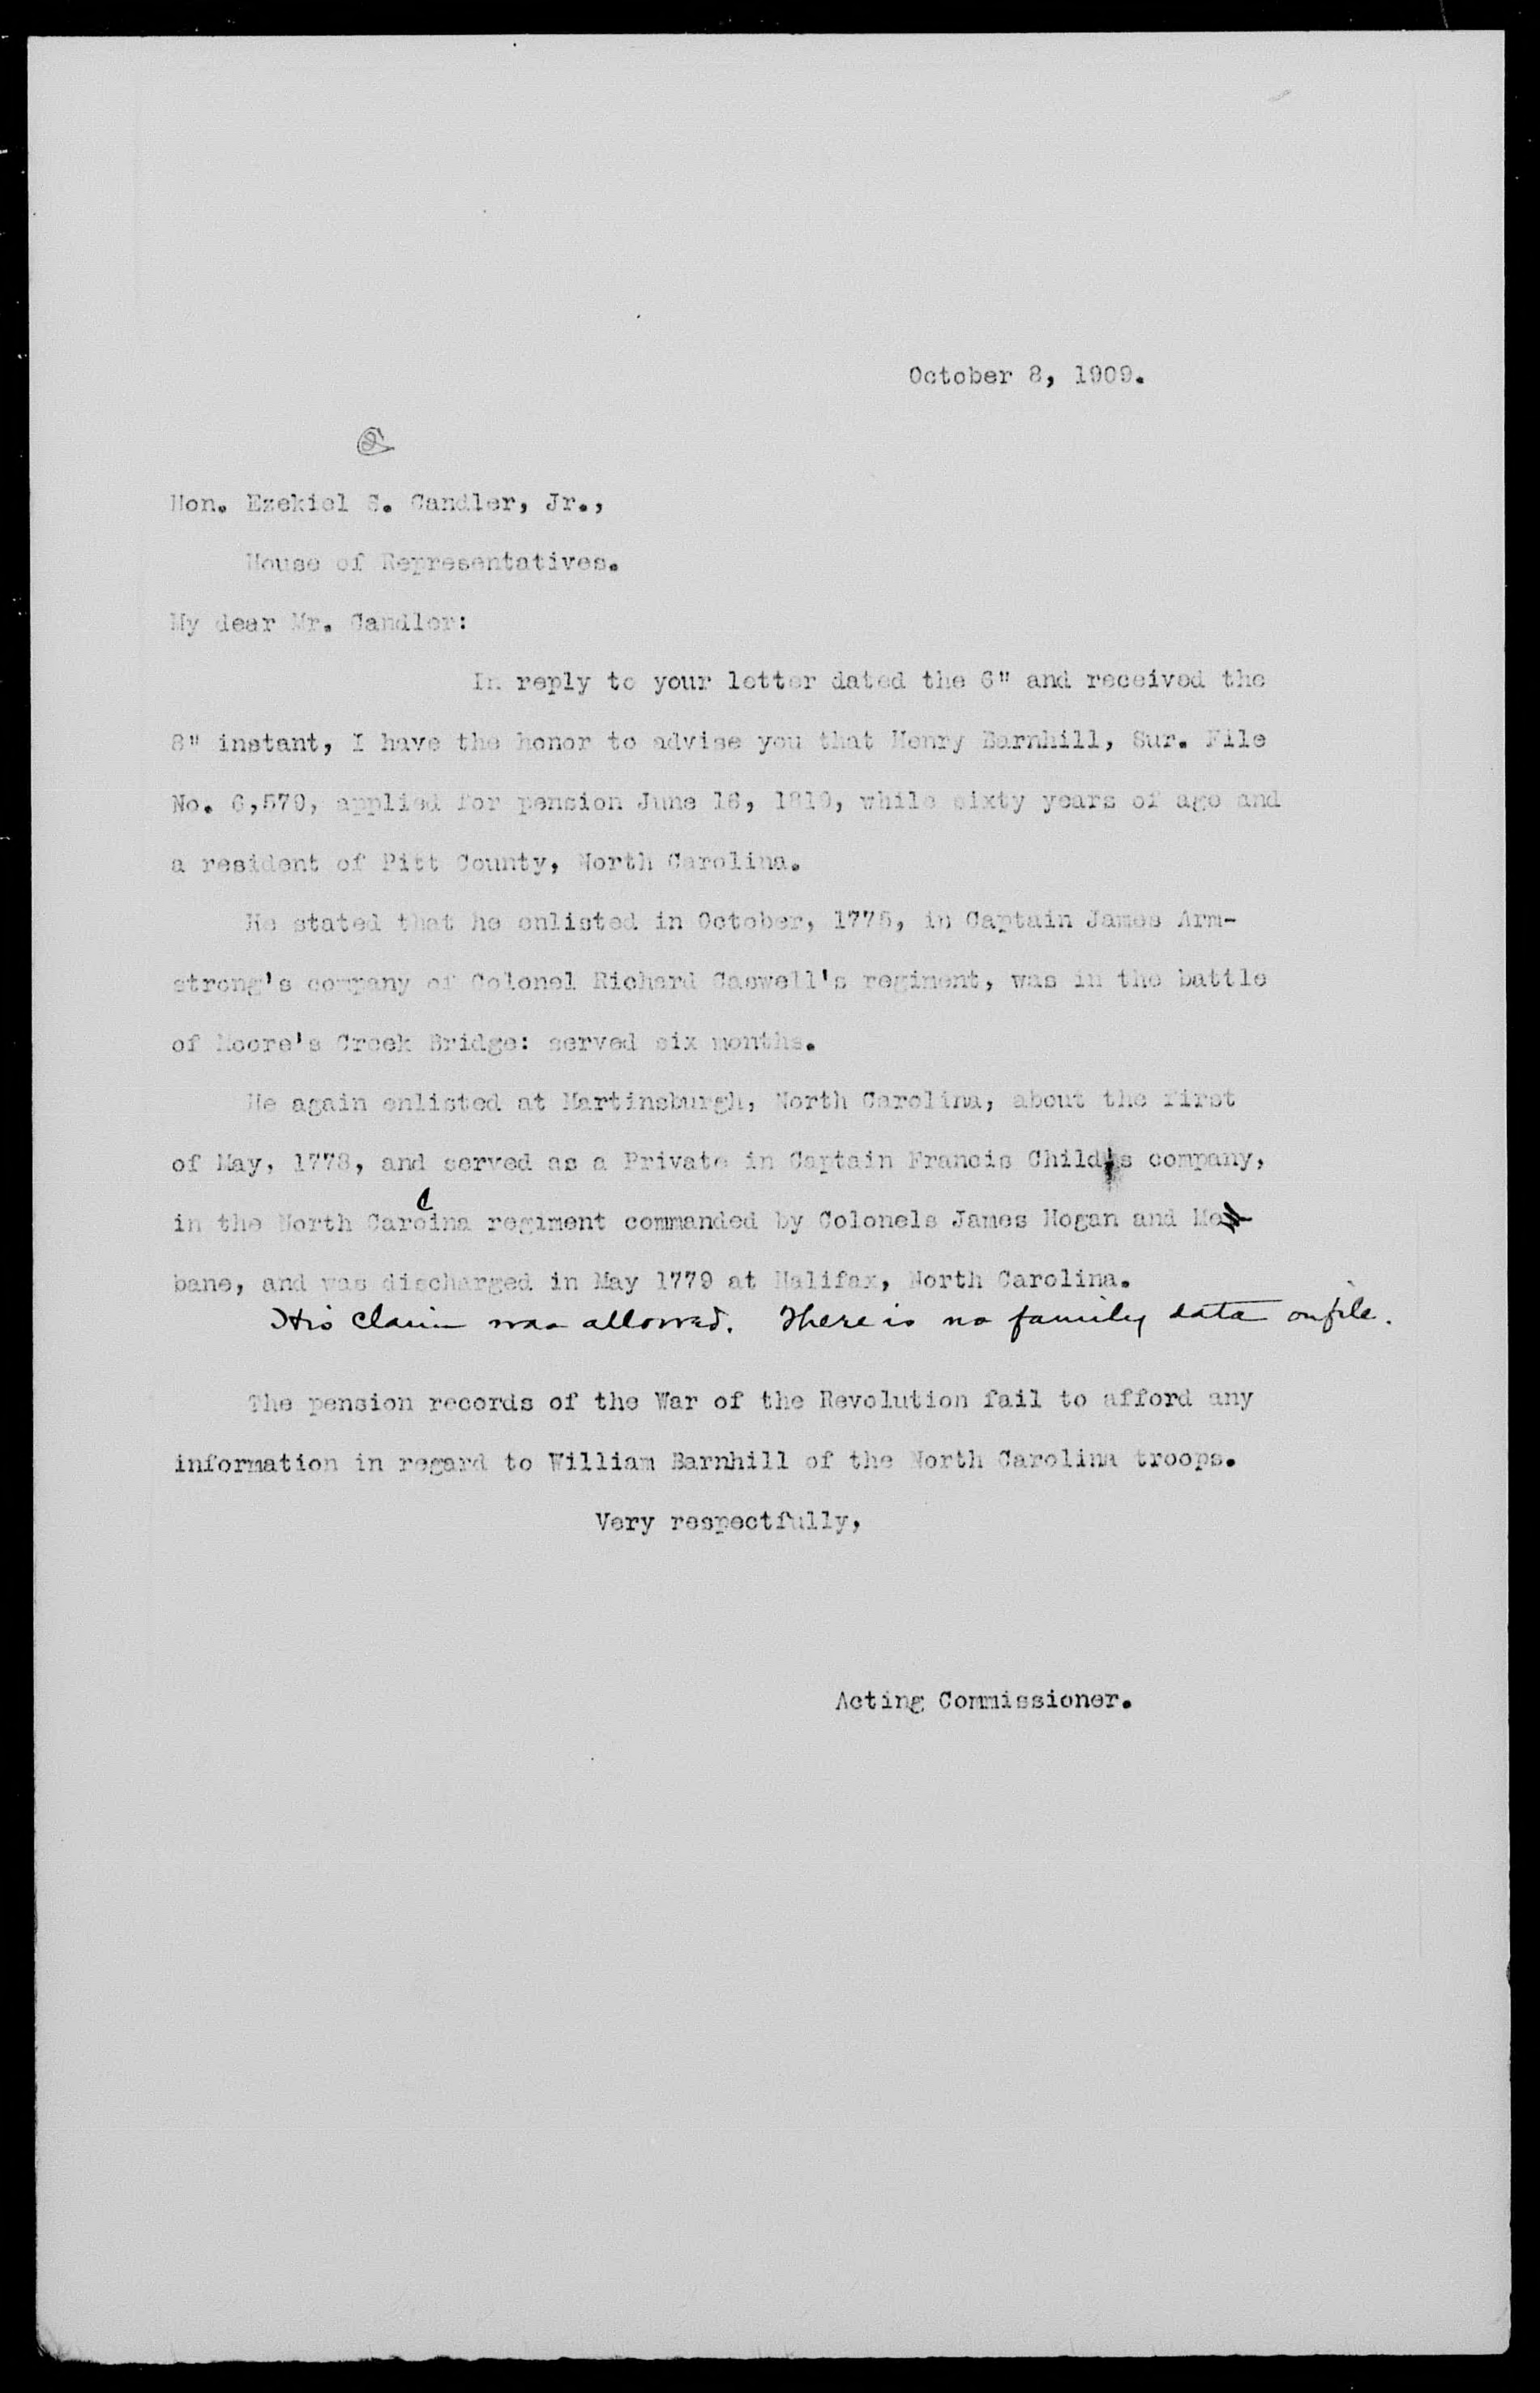October 8, 1909.

[unknown icon]
Hon. Ezekiel S. Candler, Jr.,
House of Representatives.
Mr dear Mr. Candler:
In reply to your letter dated the 6" and received the 8" instant, I have the honor to advise you that Henry Barnhill, Sur. File No. 6,570, applied for pension June 16, 1819, while sixty years of age and a resident of Pitt County, North Carolina.

He stated that he enlisted in October, 1775, in Captain James Armstrong's company of Colonel Richard Caswell's regiment, was in the battle of Moore's Creek Bridge: served six months.

He again enlisted at Martinsburgh, North Carolina, about the first of May, 1778, and served as a Private in Captain Francis Child's company, in the North Carolina regiment commanded by Colonels James Hogan and Mebane, and was discharged in May 1779 at Halifax, North Carolina.
[handwritten] His claim was allowed. There is no family data on file.

The pension records of the War of the Revolution fail to afford any information in regard to William Barnhill of the North Carolina troops.

Very respectfully,

Acting Commissioner.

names: William Barnhill, James Hogan, Henry Barnhill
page: 42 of 42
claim: survivor's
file: S. 6579, Henry Barnhill, N. C.